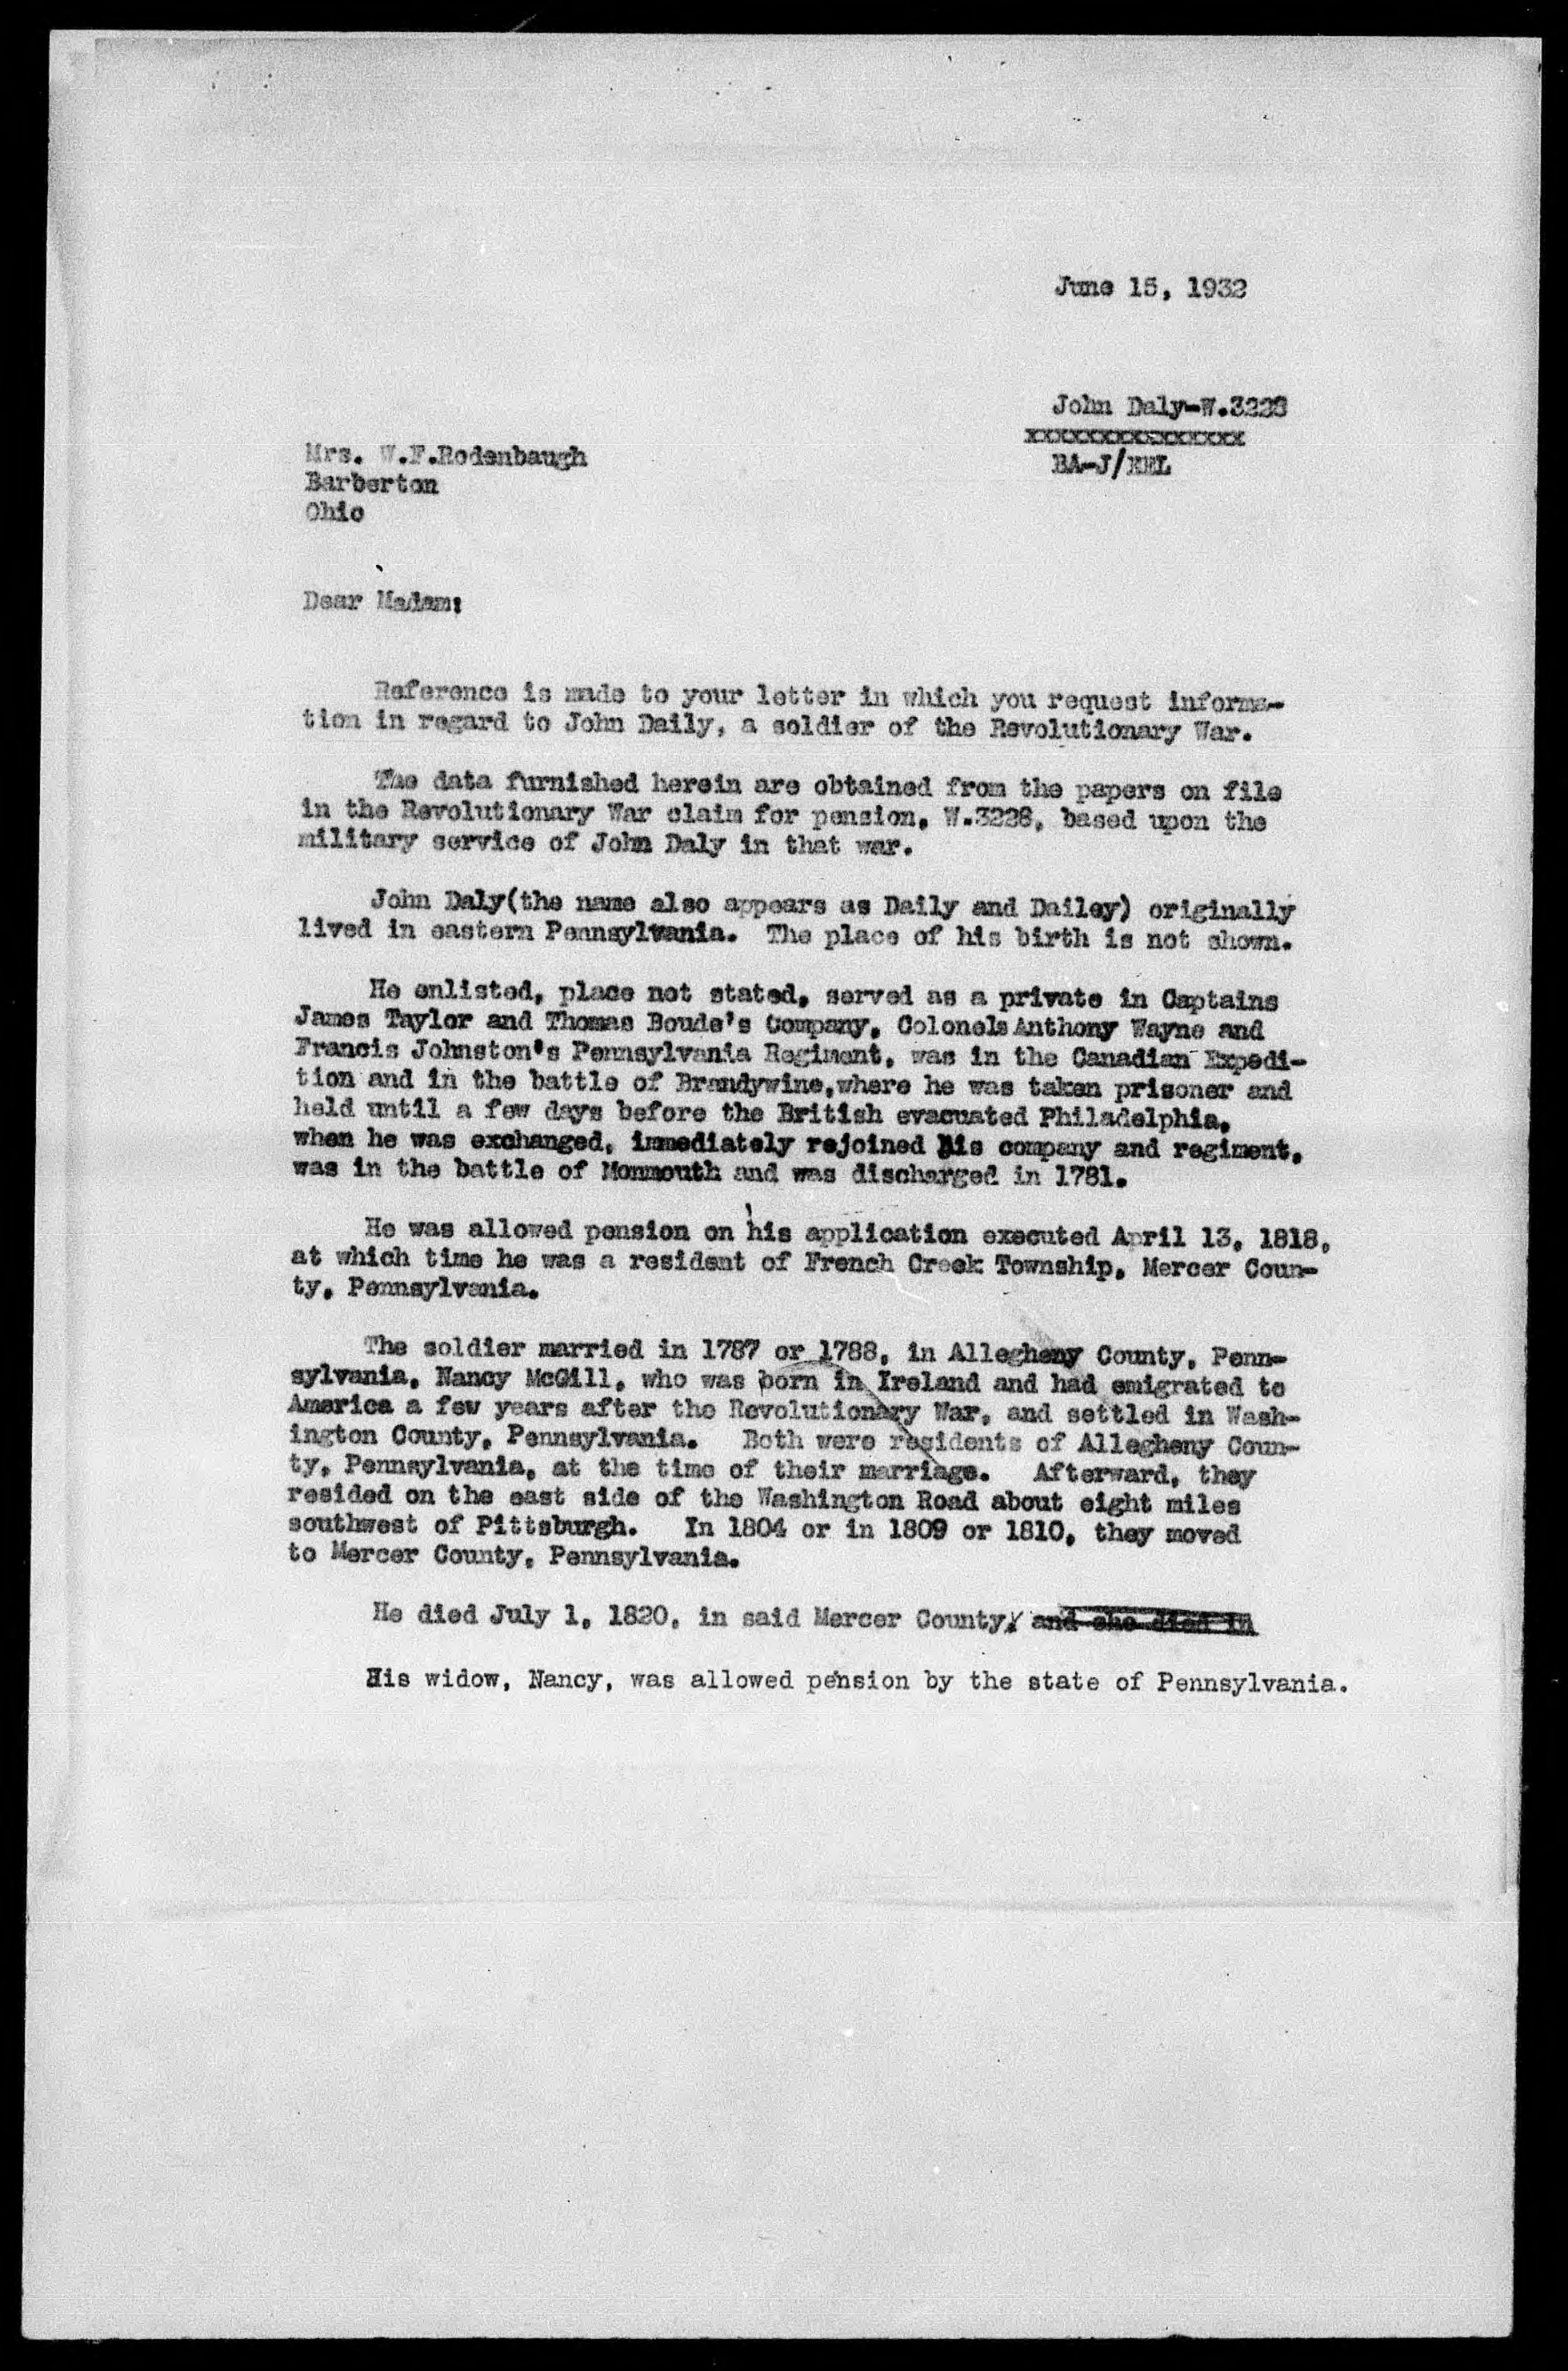[pg 1 of 2]

June 15, 1932

John Daly-W.3228
xxxxxxxxxxxxxxx
BA-J/KEL

Mrs. W. F. Rodenbaugh
Barberton
Ohio

Dear Madam:

Reference is made to your letter in which you request information in regard to John Daily, a soldier of the Revolutionary War.

The data furnished herein are obtained from the papers on file in the Revolutionary War claim for pension, W.3228, based upon the military service of John Daly in that war.

John Daly(the name also appears as Daily and Dailey) originally lived in eastern Pennsylvania. The place of his birth is not shown.

He enlisted, place not stated, served as private in Captains James Taylor and Thomas Boude's Company, Colonels Anthony Wayne and Francis Johnston's Pennsylvania Regiment, was in the Canadian Expedition and in the battle of Brandywine, where he was taken prisoner and held until a few days before the British evacuated Philadelphia, when he was exchanged, immediately rejoined his company and regiment, was in the battle of Monmouth and was discharged in 1781.

He was allowed pension on his application executed April 18, 1818, at which time he was a resident of French Creek Township, Mercer County, Pennsylvania.

The soldier married in 1787 or 1788, in Allegheny County, Pennsylvania, Nancy McGill, who was born in Ireland and had emigrated to America a few years after the Revolutionary War, and settled in Washington County, Pennsylvania. Both were residents of Allegheny County, Pennsylvania, at the time of their marriage. Afterward, they resided on the east side of the Washington Road about eight miles southwest of Pittsburgh. In 1804 or in 1809 or 1810, they moved to Mercer County, Pennsylvania.

He died July 1, 1820, in said Mercer County.

His widow, Nancy, was allowed pension by the state of Pennsylvania.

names: John Daly, John Daily, Nancy Mc Gill, John Daly, Nancy, Dailey, John Daly, W F Rodenbaugh, Daily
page: 60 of 63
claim: widow's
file: W. 3228, John Daly, Penn.